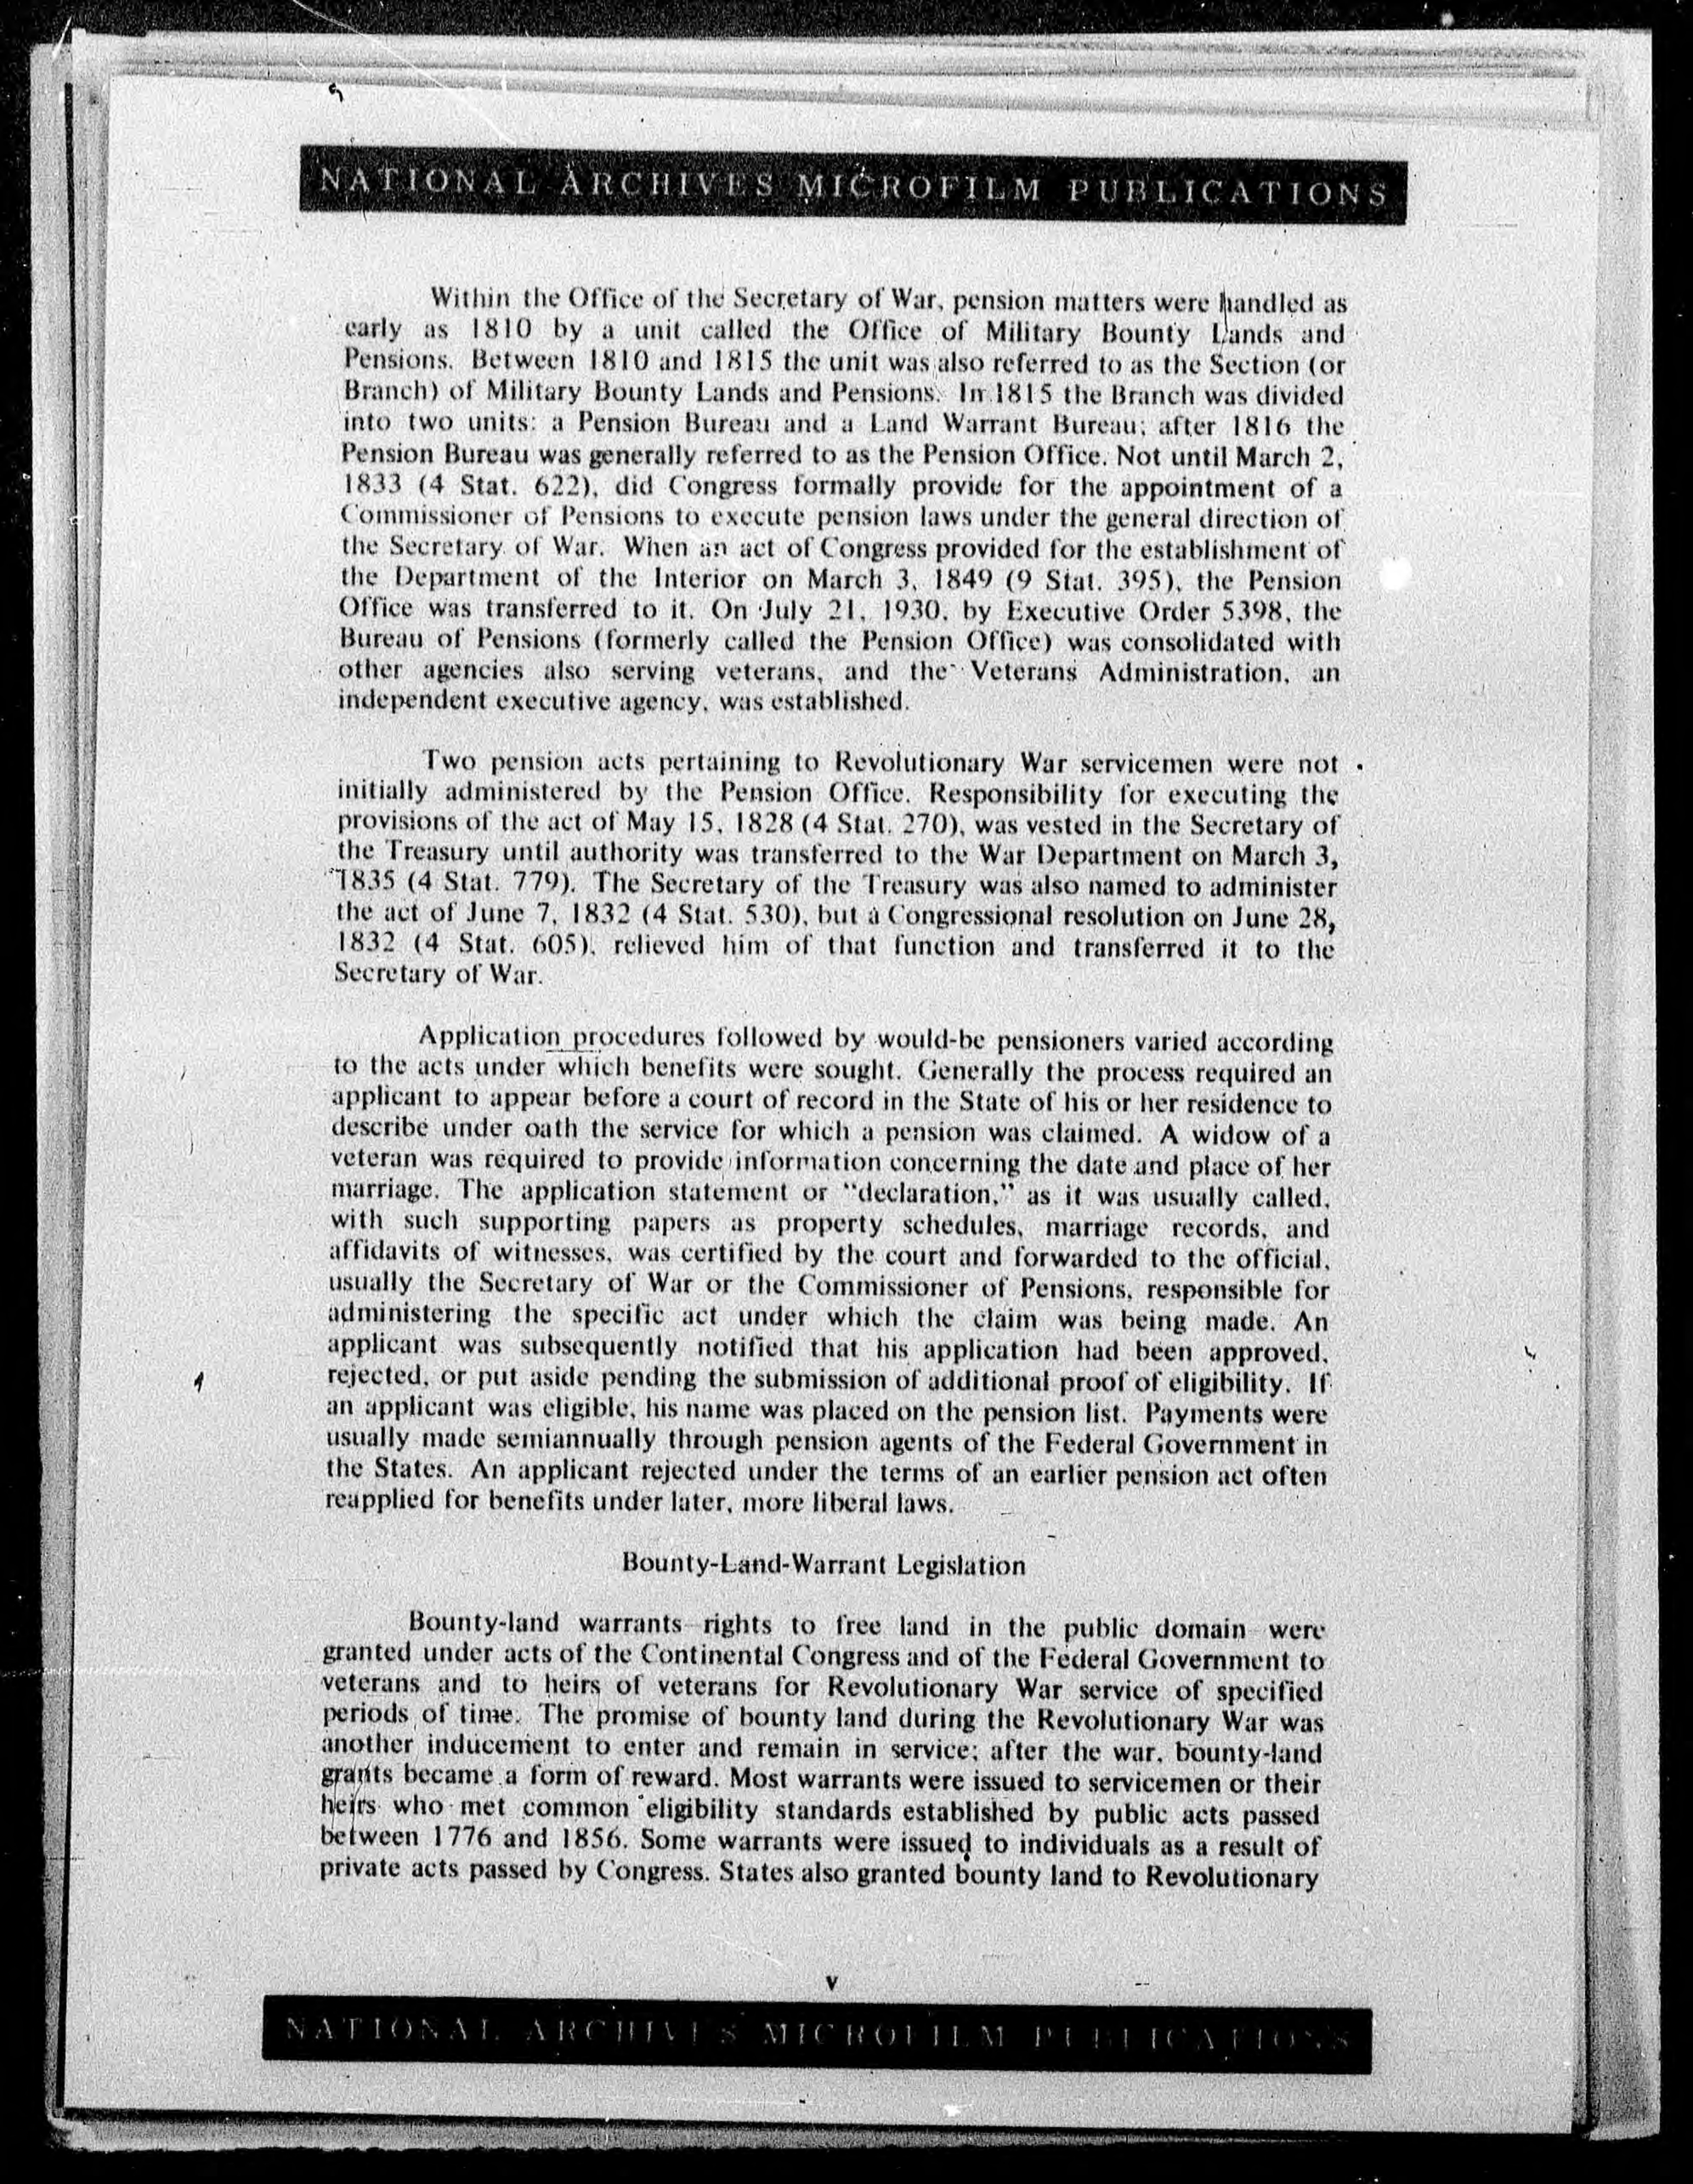Within the Office of the Secretary of War, pension matters were handled as early as 1810 by a unit called the Office of Military Bounty Lands and Pensions. Between 1810 and 1815 the unit was also referred to as the Section (or Branch) of Military Bounty Lands and Pensions. In 1815 the Branch was divided into two units: a Pension Bureau and a Land Warrant Bureau: after 1816 the Pension Bureau was generally referred to as the Pension Office. Not until March 2, 1833 (4 Stat. 622), did Congress formally provide for the appointment of a Commissioner of Pensions to execute pension laws under the general direction of the Secretary of War. When an act of Congress provided for the establishment of the Department of the Interior on March 3, 1849 (9 Stat. 395), the Pension Office was transferred to it. On July 21, 1930, by Executive Order 5398, the Bureau of Pensions (formerly called the Pension Office) was consolidated with other agencies also serving veterans, and the Veterans Administration, an independent executive agency, was established.
Two pension acts pertaining to Revolutionary War servicemen were not initially administered by the Pension Office. Responsibility for executing the provisions of the act of May 15, 1828 (4 Stat. 270), was vested in the Secretary of the Treasury until authority was transferred to the War Department on March 3, 1835 (4 Stat. 779). The Secretary of the Treasury was also named to administer the act of June 7, 1832 (4 Stat. 530), but a Congressional resolution on June 28, 1832 (4 Stat. 605), relieved him of that function and transferred it to the Secretary of War.
Application procedures followed by would-be pensioners varied according to the acts under which benefits were sought. Generally the process required an applicant to appear before a court of record in the State of his or her residence to describe under oath the service for which a pension was claimed. A widow of a veteran was required to provide information concerning the date and place of her marriage. The application statement or "declaration," as it was usually called, with such supporting papers as property schedules, marriage records, and affidavits of witness, was certified by the court and forwarded to the official, usually the Secretary of War or the Commissioner of Pensions, responsible for administering the specific act under which the claim was being made. An applicant, or put aside pending the submission of additional proof of eligibility. If an applicant was eligible, his name was placed on the pension list. Payments were usually made semiannually through pension agents of the Federal Government in the States. An applicant rejected under the terms of an earlier pension act often reapplied for benefits under, more liberal laws.
Bounty-Land-Warrant Legislation
Bounty-land warrants rights to free land in the public domain were granted under acts of the Continental Congress and of the Federal Government to veterans and to heirs of veterans for Revolutionary War service of specified periods of time. The promise of bounty land during the Revolutionary War was another inducement to enter and remain in service: after the war, bounty-land grants became a form of reward. Most warrants were issued to servicemen or their heirs who met common eligibility were issued to individuals as a result of private acts passed by Congress. States also granted bounty land to Revolutionary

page: 4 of 59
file: Revolutionary War Pension and Bounty Land Warrant Application File